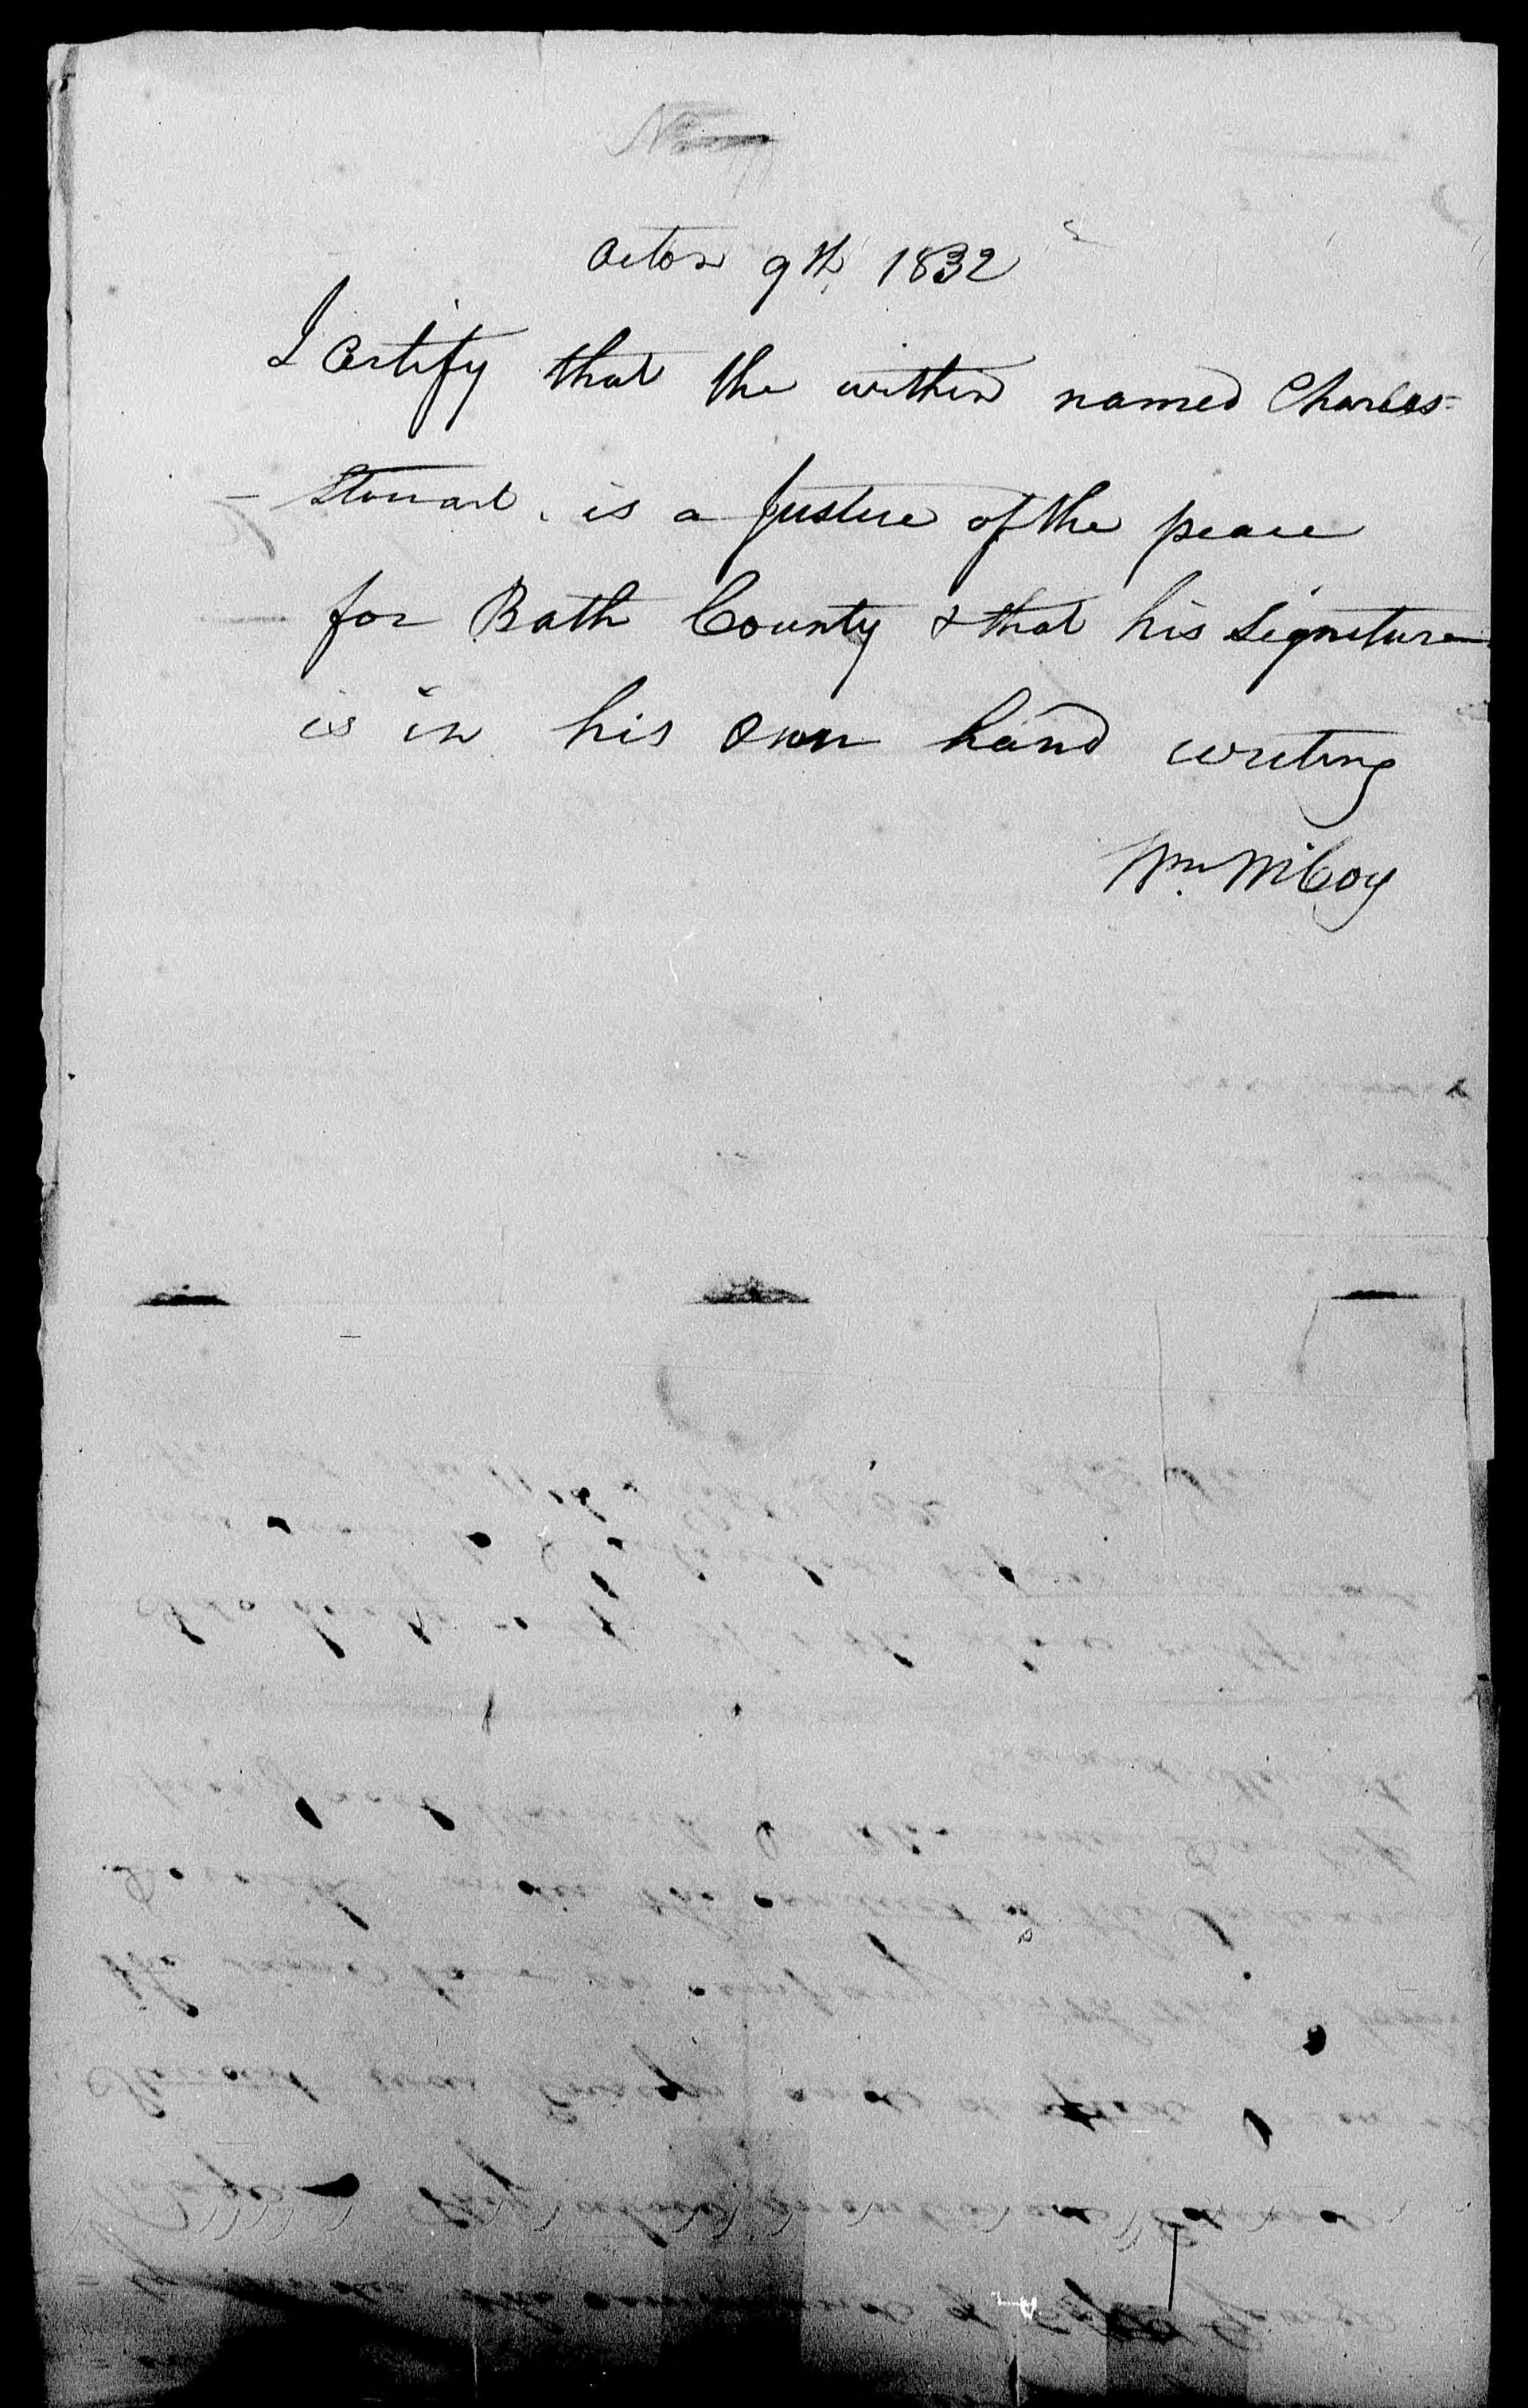Octor 9th 1832
I certify that the within named Charles Stewart is a Justice of the peace for Bath County + that his signature is in his own hand [illegible]

Wm McCoy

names: Charles Stewart, Wm Mc Coy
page: 7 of 35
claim: widow's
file: W 7007, John Devericks, Va.